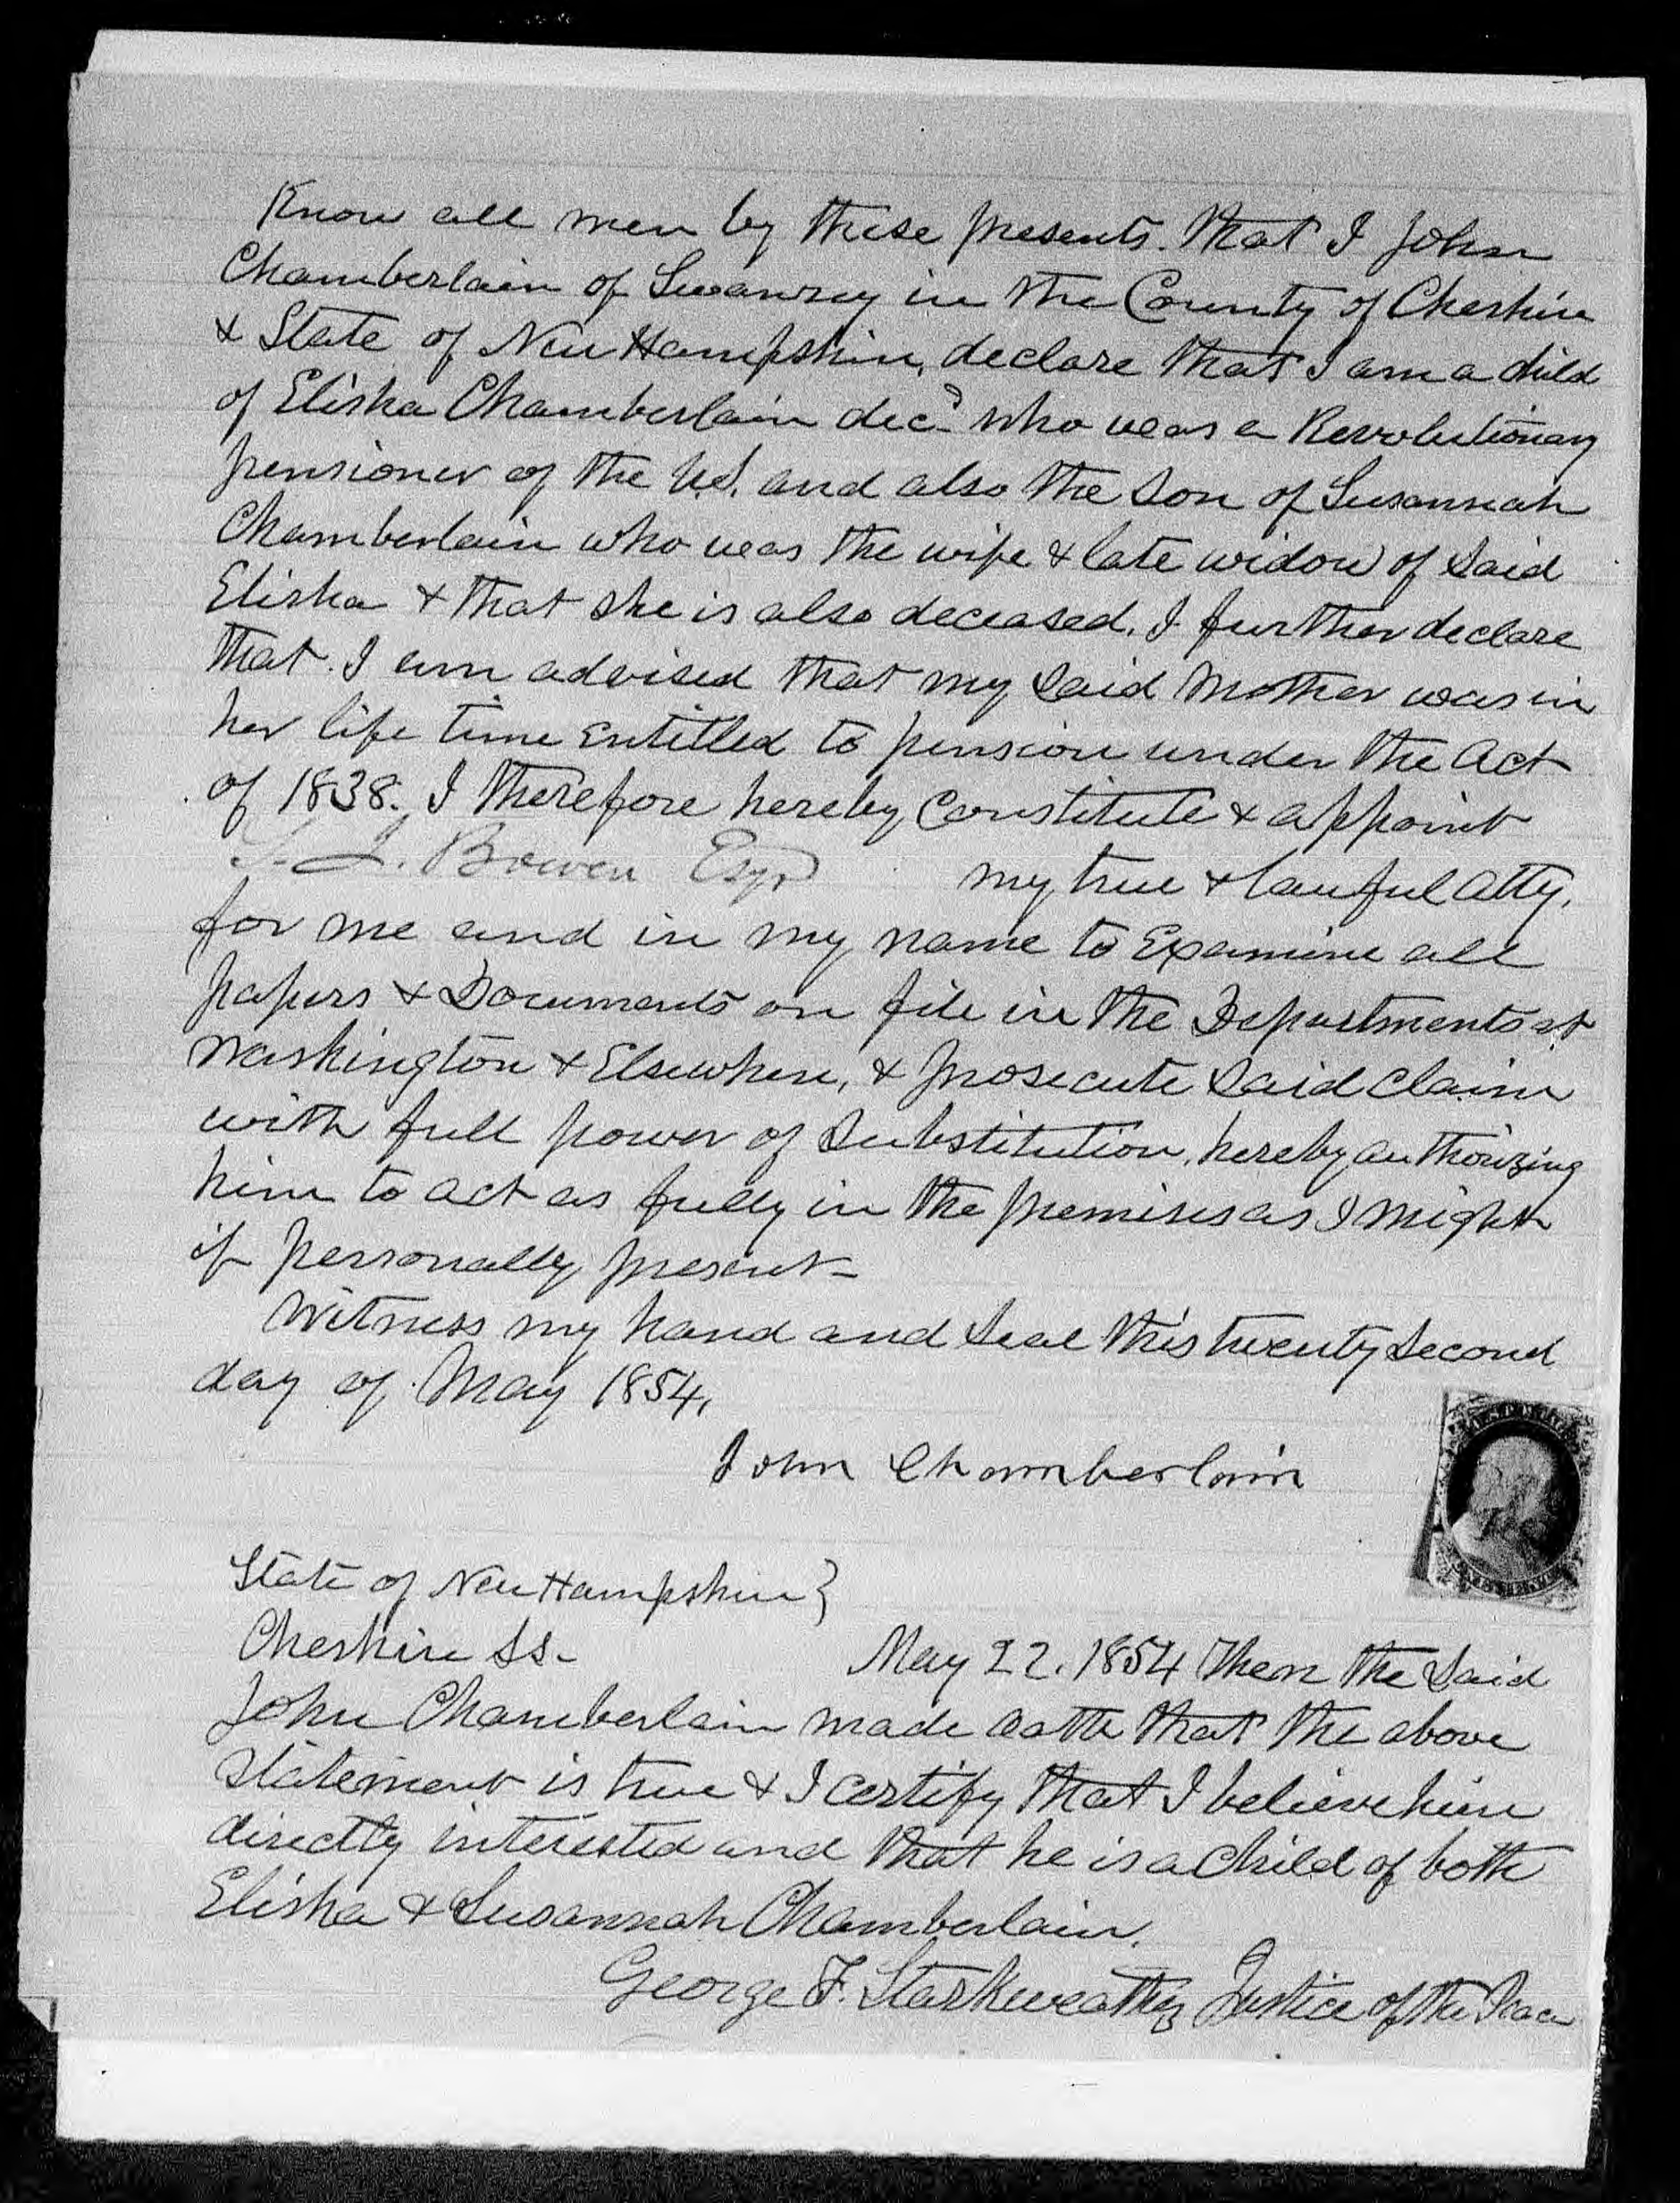Know all men by these presents, that I John
Chamberlain of Swanzey in the County of Cheshire
& State of New Hampshire, declare that I am a child
of Elisha Chamberlain dec'd who was a Revolutionary
pensioner of the U.S. and also the son of Susannah
Chamberlain who was the sife & late widow of said
Elisha & that she is also deceased.  I further declare
that I am advised that my said Mother was in
her life time entitled to pension under the Act
of 1838.  I therefore hereby constitute & appoint
[S.?] J. Bowen Esqr. my true & lawful atty.
for me and in my name to examine all
papers & documents on file in the Departments at
Washington & Elsewhere, & prosecute said claim
with full power of substitution, hereby authorizing
him to act as fully in the premises as I might
if personally present.

Witness my hand and Seal this twenty second
day of May 1854.
John Chamberlain [to the right of the signature is what appears to be a postage stamp]

State of New Hampshire}
Cheshire Ss.

May 22. 1854 Then the Said
John Chamberlain made oath that the above
Statement is true & I certify that I believe him
directly interested and that he is a child of both
Elisha & Susannah Chamberlain.
George F. Starkweather, Justice of the Peace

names: John Chamberlain, Elisha, Susannah Chamberlain, George F Starkweather, John Chamberlain, John Chamberlain, Elisha Chamberlain, Elisha Chamberlain, S J Bowen, Susannah Chamberlain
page: 9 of 24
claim: rejected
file: R. 1835, Elisha Chamberlain, Mass.